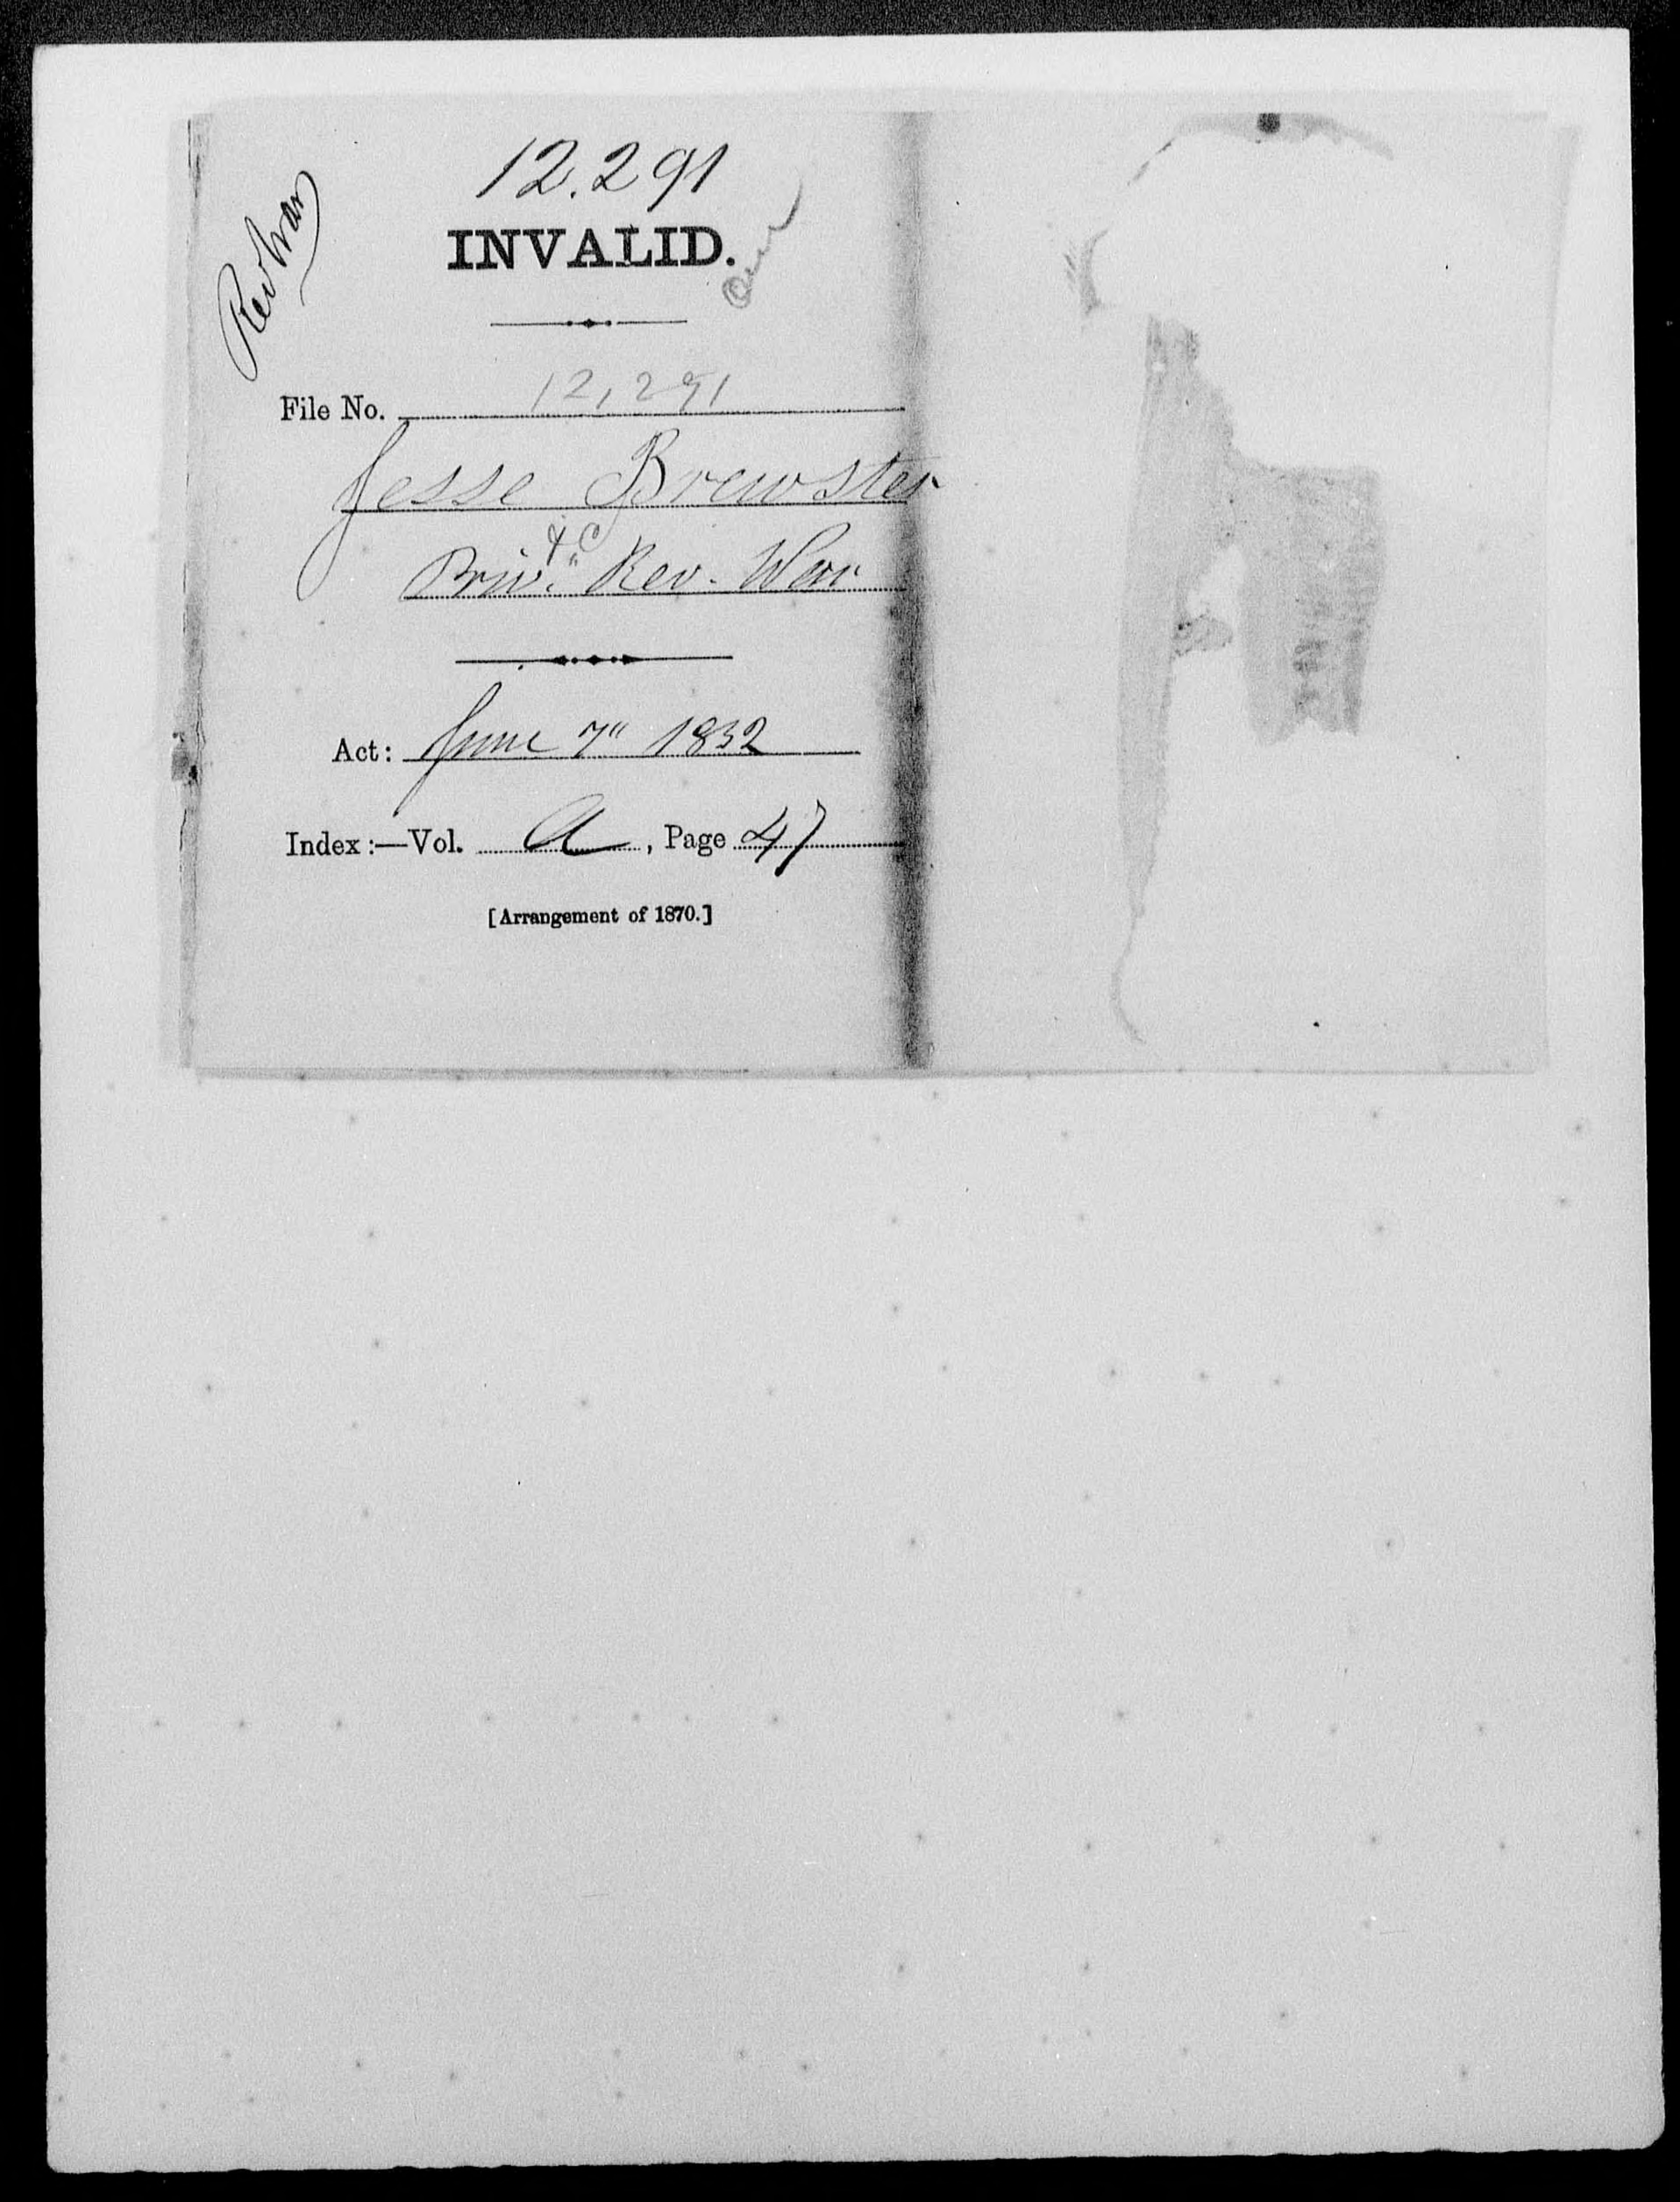Rev War  12.291
file no. 12,291
Jesse Brewster Priv. Rev. War
June 7 1832
col A page 47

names: Jesse Brewster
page: 9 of 26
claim: survivor's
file: S. 12,291, Jesse Brewster, New York